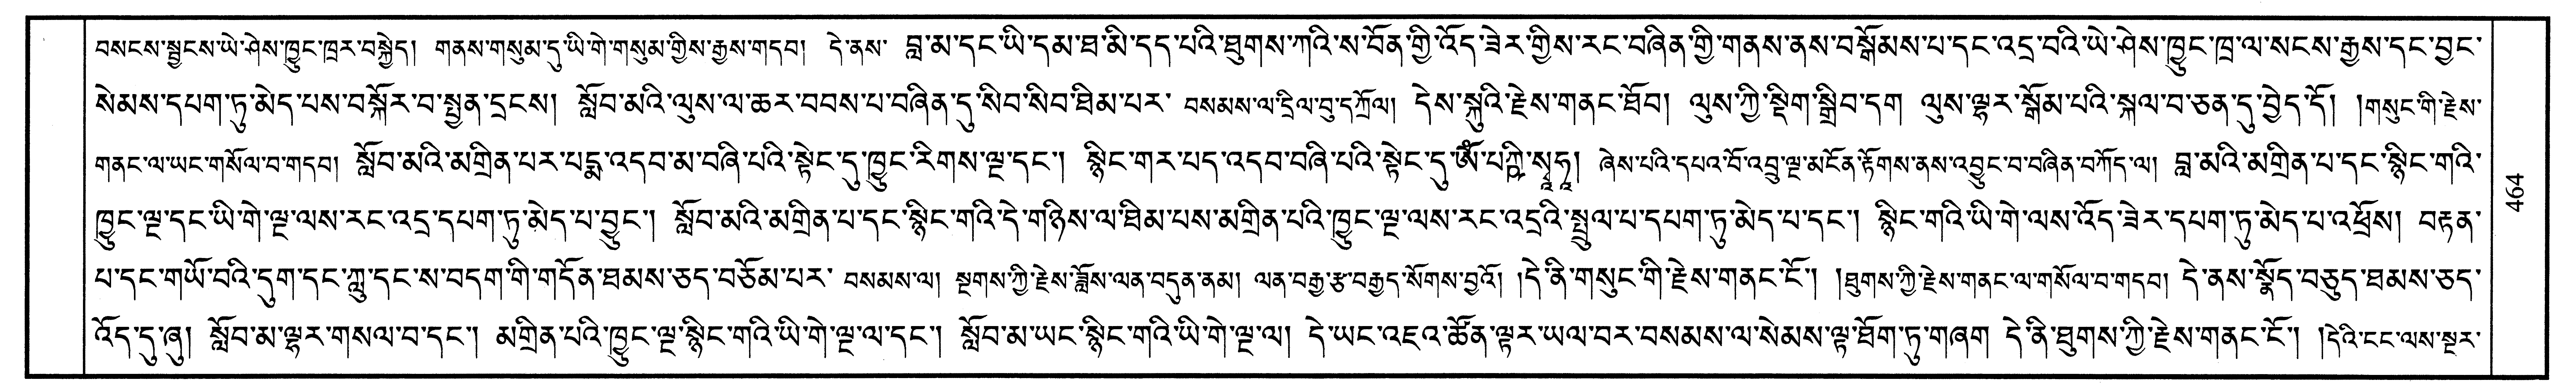བསངས་སྦྱངས་ཡེ་ཤེས་ཁྱུང་ཁྲར་བསྐྱེད། གནས་གསུམ་དུ་ཡི་གེ་གསུམ་གྱིས་རྒྱས་གདབ། དེ་ནས་བླ་མ་དང་ཡི་དམ་ཐ་མི་དད་པའི་ཐུགས་ཀའི་ས་བོན་གྱི་འོད་ཟེར་གྱིས་རང་བཞིན་གྱི་གནས་ནས་བསྒོམས་པ་དང་འདྲ་བའི་ཡེ་ཤེས་ཁྱུང་ཁྲ་ལ་སངས་རྒྱས་དང་བྱང་
སེམས་དཔག་ཏུ་མེད་པས་བསྐོར་བ་སྤྱན་དྲངས། སློབ་མའི་ལུས་ལ་ཆར་བབས་པ་བཞིན་དུ་སིབ་སིབ་ཐིམ་པར་བསམས་ལ་དྲིལ་བུ་དཀྲོལ། དེས་སྐུའི་རྗེས་གནང་ཐོབ། ལུས་ཀྱི་སྡིག་སྒྲིབ་དག །ལུས་ལྷར་སྒོམ་པའི་སྐལ་བ་ཅན་དུ་བྱེད་དོ། །གསུང་གི་རྗེས་
གནང་ལ་ཡང་གསོལ་བ་གདབ། སློབ་མའི་མགྲིན་པར་པདམ་འདབ་མ་བཞི་པའི་སྟེང་དུ་ཁྱུང་རིགས་ལྔ་དང་། སྙིང་གར་པད་འདབ་བཞི་པའི་སྟེང་དུ་ཨོཾ་པཀྵི་སྭཱཧཱ། ཞེས་པའི་དཔའ་བོ་འབྲུ་ལྔ་མངོན་རྟོགས་ནས་འབྱུང་བ་བཞིན་བཀོད་ལ། བླ་མའི་མགྲིན་པ་དང་སྙིང་གའི་
ཁྱུང་ལྔ་དང་ཡི་གེ་ལྔ་ལས་རང་འདྲ་དཔག་ཏུ་མེད་པ་བྱུང་། སློབ་མའི་མགྲིན་པ་དང་སྙིང་གའི་དེ་གཉིས་ལ་ཐིམ་པས་མགྲིན་པའི་ཁྱུང་ལྔ་ལས་རང་འདྲའི་སྤྲུལ་པ་དཔག་ཏུ་མེད་པ་དང་། སྙིང་གའི་ཡི་གེ་ལས་འོད་ཟེར་དཔག་ཏུ་མེད་པ་འཕྲོས། བརྟན་
པ་དང་གཡོ་བའི་དུག་དང་ཀླུ་དང་ས་བདག་གི་གདོན་ཐམས་ཅད་བཅོམ་པར་བསམས་ལ། སྔགས་ཀྱི་རྗེས་ཟློས་ལན་བདུན་ནམ། ལན་བརྒྱ་རྩ་བརྒྱད་སོགས་བྱའོ། །དེ་ནི་གསུང་གི་རྗེས་གནང་ངོ། །ཐུགས་ཀྱི་རྗེས་གནང་ལ་གསོལ་བ་གདབ། དེ་ནས་སྣོད་བཅུད་ཐམས་ཅད་
འོད་དུ་ཞུ། སློབ་མ་ལྷར་གསལ་བ་དང་། མགྲིན་པའི་ཁྱུང་ལྔ་སྙིང་གའི་ཡི་གེ་ལྔ་ལ་དང་། སློབ་མ་ཡང་སྙིང་གའི་ཡི་གེ་ལྔ་ལ། དེ་ཡང་འཇའ་ཚོན་ལྟར་ཡལ་བར་བསམས་ལ་སེམས་ལྟ་ཐོག་ཏུ་གཞག །དེ་ནི་ཐུགས་ཀྱི་རྗེས་གནང་ངོ། །དེའི་ངང་ལས་སྔར་